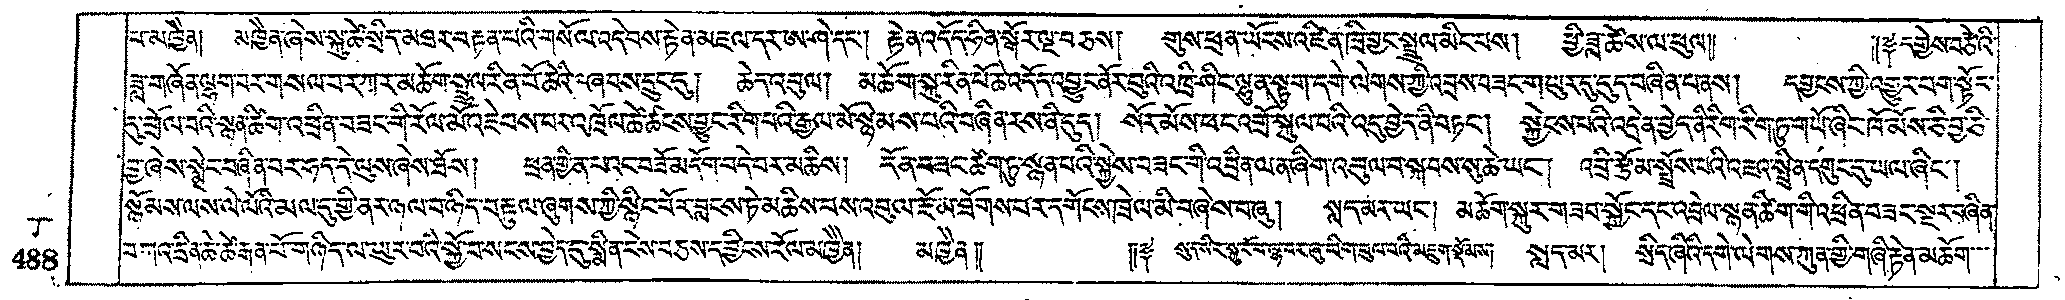པ་མཁྱཻཨེན། མཁྱཻན་ཞེས་སྐུ་ཚེ་སྲིད་མཐར་བརྟན་པའི་གསོལ་འདེབས་རྟེན་མཁའ་དར་ཨ་ཤེས་དང་། རྟེན་འདོད་ཧིན་སྒོར་ལྔ་བཅས། གུས་ཕྲན་ཡོངས་འཛིན་ཁྲི་བྱང་སྤྲུལ་མིང་པས། ཕྱི་ཟླ་ཚེས་ལ་ཕུལ།། །།འ་དགྱེས་བརྩེའི་
ཟླ་གཞོན་ལྷག་པར་གསལ་བར་ཀ་ར་མཆོག་སྤྲུལ་རིན་པོ་ཆེའི ༧ཞབས་དྲུང་དུ། ཆེད་འབུལ། མཆོག་སྐུ་རིན་པོ་ཆེ་འདོད་འབྱུང་ནོར་བུའི་འཁྲི་ཤིང་ལྷུང་སྟུག་དགེ་ལེགས་ཀྱི་འབྲས་བཟང་གཡུར་དུ་དུད་བཞིན་པ་ནས། དབྱངས་ཀྱི་འགྱུར་བག་སྟོང་
དུ་གྲོལ་བའི་སྙན་ཚིག་འཕྲིན་བཟང་གི་རོལ་མཇེབས་པར་འཁྲོལ་ཚེ་ཚང་བྱུང་རིག་པའི་རྒྱལ་མོ་སྙེམས་པའི་བཞིན་རས་ནི་དུད། སོར་མོས་ཕྱང་འགྲོ་སྐུལ་བའི་འདུ་བྱེད་ནི་བཏང་། སྐྱེངས་པའི་འདྲེན་བྱེད་ནི་རིག་རིག་ཏུ་གཡོ་ཞིང་ཁོ་མོས་ཅི་བྱ་ཅི་
བྱ་ཞེས་སྨྲེང་བཞིན་པར་ཧད་དེ་ལུས་ཞེས་ཐོས། ཕྲན་གྱི་ན་པའང་བཟློ་མདོག་བདེ་བར་མཆིས། དོན་བཟང་ཚེག་ཏུ་སྙན་པའི་སྐྱེས་བཟང་གི་འཕྲེན་ལན་ཞིག་འབུལ་བ་སྐབས་སུ་ཆེ་ཡང་། འབྲི་རྩོམ་སྤྲོས་པའི་འཇའ་སྤྲིན་དགུང་དུ་ཡལ་ཞིང་།
སྙོམས་ལས་ལེ་ལོའི་མལ་དུ་གྱི་ནར་ཉལ་བ་ཉིད་བརྟུལ་ཞུགས་ཀྱི་སྙིང་པོར་བླངས་ཏེ་མཆིས་པས་འབུལ་རྔོམ་ཐོགས་པར་དགོངས་ཁྲེལ་མི་བཞེས་པ་ཞུ། སླད་མར་ཡང་། མཆོག་སྐུར་གཟབ་སྐྱོང་དང་འབྲེལ་སྙན་ཚིག་གི་འཕྲེན་བཟང་སྔར་བཞིན་
བཀའ་དྲིན་ཆེ་ཚེ་རྒན་པོ་གཉིད་ལ་ཡུར་བའི་སྐྱོ་བ་སངས་བྱེད་དུ་སྨིན་ངེས་བཅས་དབྱིངས་རོལ་མཁྱཻཨེན། མཁྱཻན།། །།འ་སུད་སིར་སྐུ་ངོ་ཕ་ལྷ་བར་ཞུ་ཡིག་ཕུལ་བའི་མཇུག་སྡོམས།  སླད་མར། སྲིད་ཞིའི་དགེ་ལེགས་ཀུན་གྱི་གཞི་རྟེན་མཆོག་་་